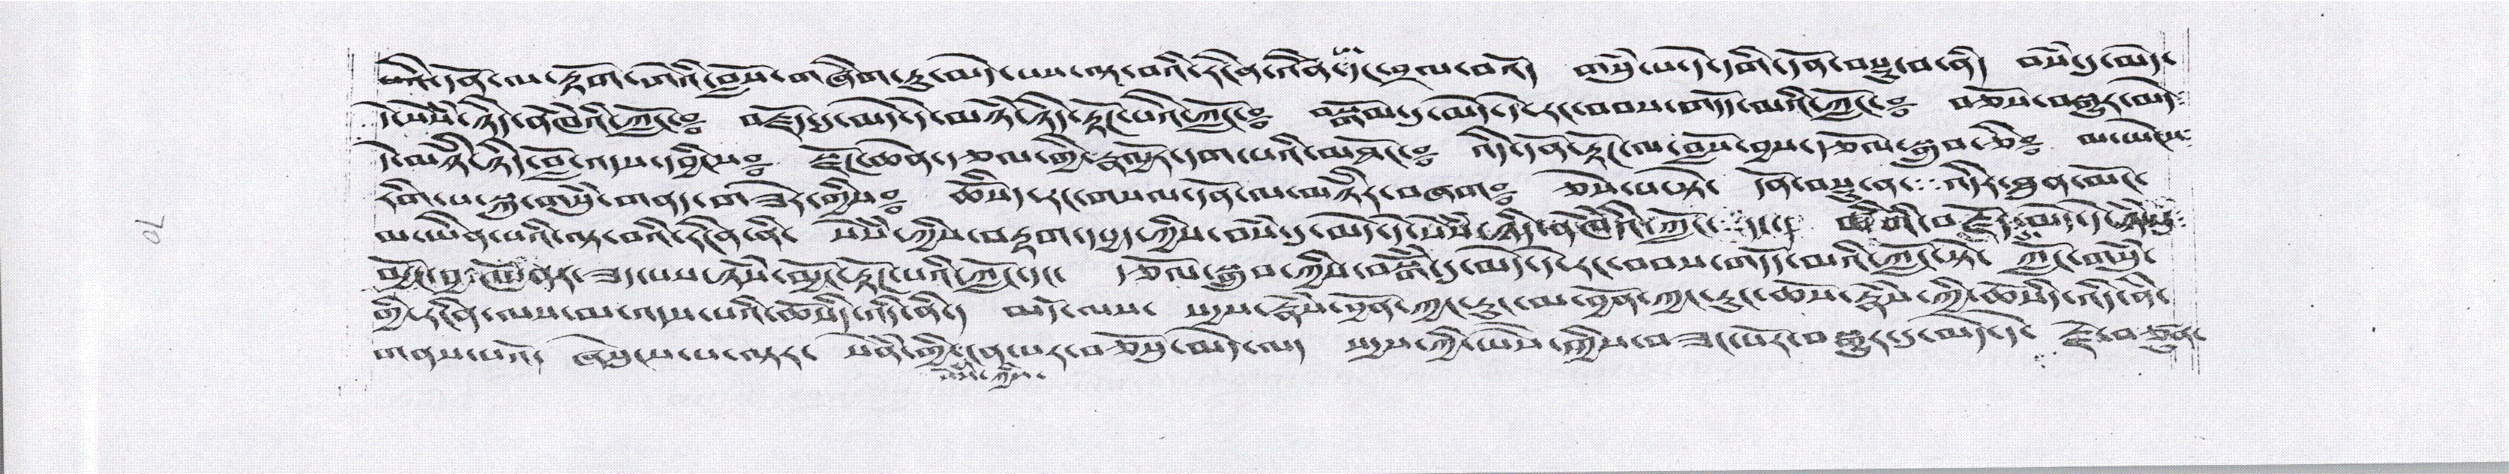དོན་ལ་རྟོག་གེའི་བློས་གཞིག་ཏུ་མེད་པས་ལྟ་བའི་རང་བཞིན་འཛིན་པ་དང་བྲལ་བའོ། གསུམ་པ་དེ་དག་གི་དོན་བསྡུ་བ་ནི། བསམ་དུ་མེད་
དེ་སེམས་ཉིད་ནམ་མཁའི་ཀློངཿ བརྗོད་དུ་མེད་དེ་མཉམ་ཉིད་རྟོགས་པའི་ཀློངཿ བསྒོམ་དུ་མེད་དེ་རང་བབས་གདོད་མའི་ཀློངཿ བཅོས་སྒྱུར་མེད་
དེ་མཉམ་ཉིད་བློ་འདས་དབྱིངསཿ རྫོགས་ཆེན་བརྩལ་གྱི་རྣལ་འབྱོར་དག་པའི་མཐོངཿ འདི་དོན་རྟོགས་ལ་བློས་བྱས་རྩོལ་སྒྲུབ་ཅིཿ མ་ཡེངས་
རིག་པ་སྐུ་གསུམ་གནད་གཟེར་གྱིསཿ ཆོས་ཉིད་རང་གསལ་དོན་ལ་མཉམ་པར་བཞགཿ ཅེས་པ་སྟེ། དོན་བསྡུ་ན་འདིར་ཐུན་མོང་
མ་ཡིན་པའི་ལྟ་བའི་རང་བཞིན་ནི། སེམས་ཀྱིས་བརྟག་དཔྱད་ཀྱིས་བསམ་དུ་མེད་དེ་སེམས་ཉིད་ནམ་མཁའི་ཀློང་དངཿ ཚིག་གི་བརྗོེད་མེད་དེ་ཉམས་སུ་
མྱོང་བྱ་ཁོ་ནར་ཟད་པས་ཉམས་མྱོང་རྟོགས་པའི་ཀློང་དང་། རྩོལ་སྒྲུབ་ཀྱིས་བསྒོམ་དུ་མེད་དེ་རང་བབས་གདོད་མའི་ཀློང་སྟེ། ཀློང་གསུམ་
གྱི་རང་བཞིན་ལས་མ་འདས་པའི་ཆོས་ཉིད་འདི་ནི། མདོ་ལས། སངས་རྒྱས་རྣམས་བྱོན་ཀྱང་རུང་མ་བྱོན་ཀྱང་རུང་ཆོས་རྣམས་ཀྱི་ཆོས་ཉིད་འདི་ནི་
གནས་པའོ། ཞེས་གསུངས་པ་ལྟར། སེམས་ཅན་གྱི་སེམས་ཀྱིས་ངན་པར་བཅོས་སུ་མེད་ལ། སངས་རྒྱས་ཀྱི་ཡེ་ཤེས་ཀྱིས་བཟང་པོར་བསྒྱུར་དུ་མེད་དེ། རྗེ་བཙུན་